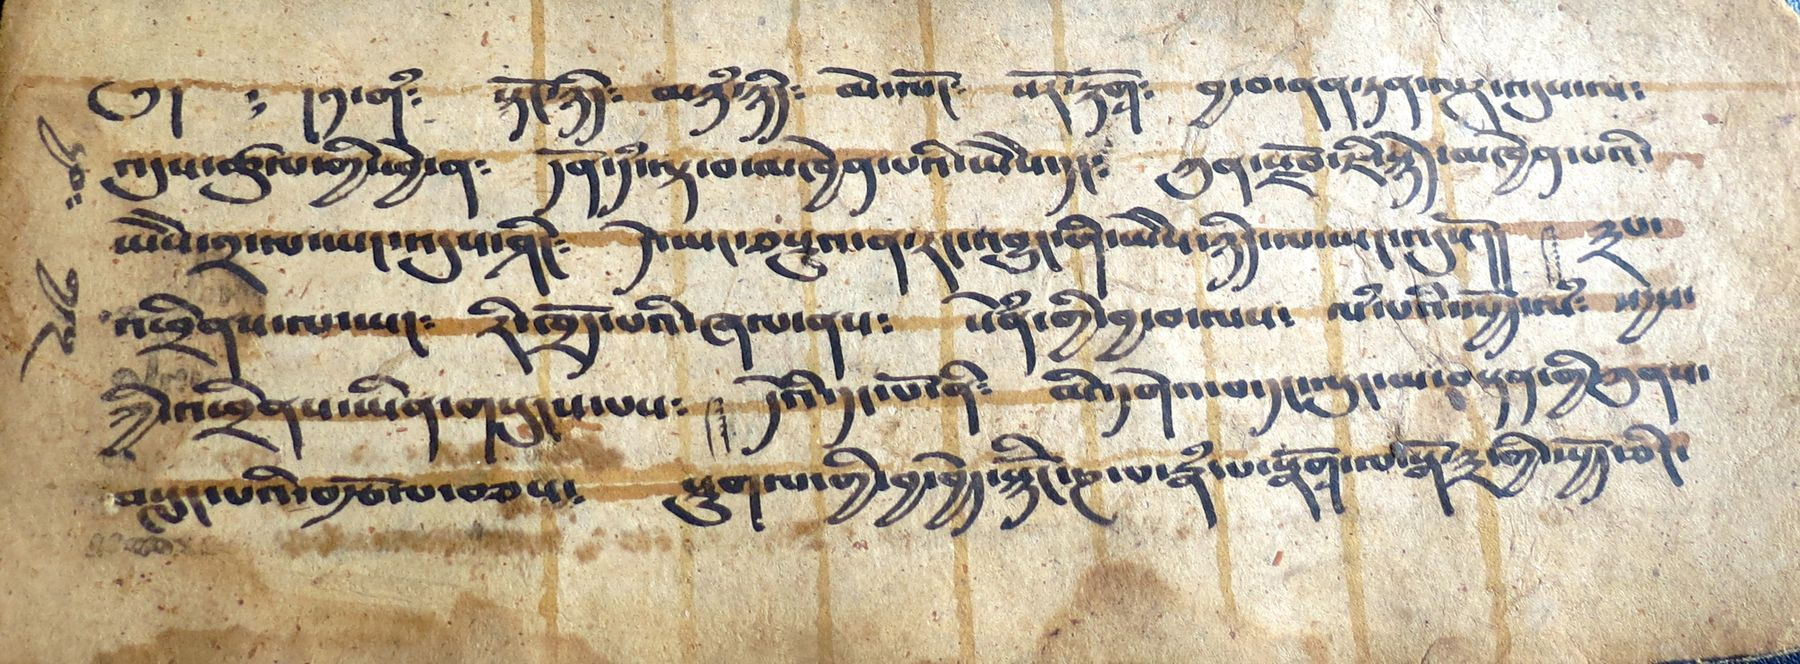གཅིག་གམ། སྟོང་ཉིད་མཉམ་ཉིད་མེ་ལོང་སོར་རྟོགས། བྱ་བ་ནན་ཏན་དང་སྔར་འདུས་ལ། 
འདུས་ཚུལ་གྱིས་ཕྱེ་ན། དོན་དམ་ཇི་ལྟ་མཁྱེན་པའི་ཡེ་ཤེས་དང་། ཀུན་རྫོབ་ཇི་སྙེད་པ་མཁྱེན་པའི་
ཡེ་ཤེས་གཉིས་ལ་ཡང་འདུས་ཤིང་། དེའང་བསྡུས་ན་རང་འབྱུང་གི་ཡེ་ཤེས་ཉིད་ལ་ཡང་འདུས་སོ། ། གསུམ་པ་
འཕྲིན་ལས་ལ་ཡང་། རི་ཁྲོད་པའི་ཞལ་ནས། སེམས་ཅན་གྱི་བྱ་ལས། ལམ་པའི་སྤྱོད་ལམ། སངས་རྒྱས་
ཀྱི་འཕྲིན་ལས་ཡིན་གསུངས་པས། དེའི་དང་པོ་ནི། མི་དགེ་བ་དང་ལུང་མ་བསྟན་གྱིས་ཀུན་
བསླངས་པའི་རྩོལ་བཅས་སྡུག་བསྔལ་གྱི་བྱ་བྱེད་སྙིང་པོ་མེད་པ་རྣམ་པ་སྣ་ཚོགས་ལ་སྒོ་གསུམ་གྱིས་སྤྱོད་ཅིང་